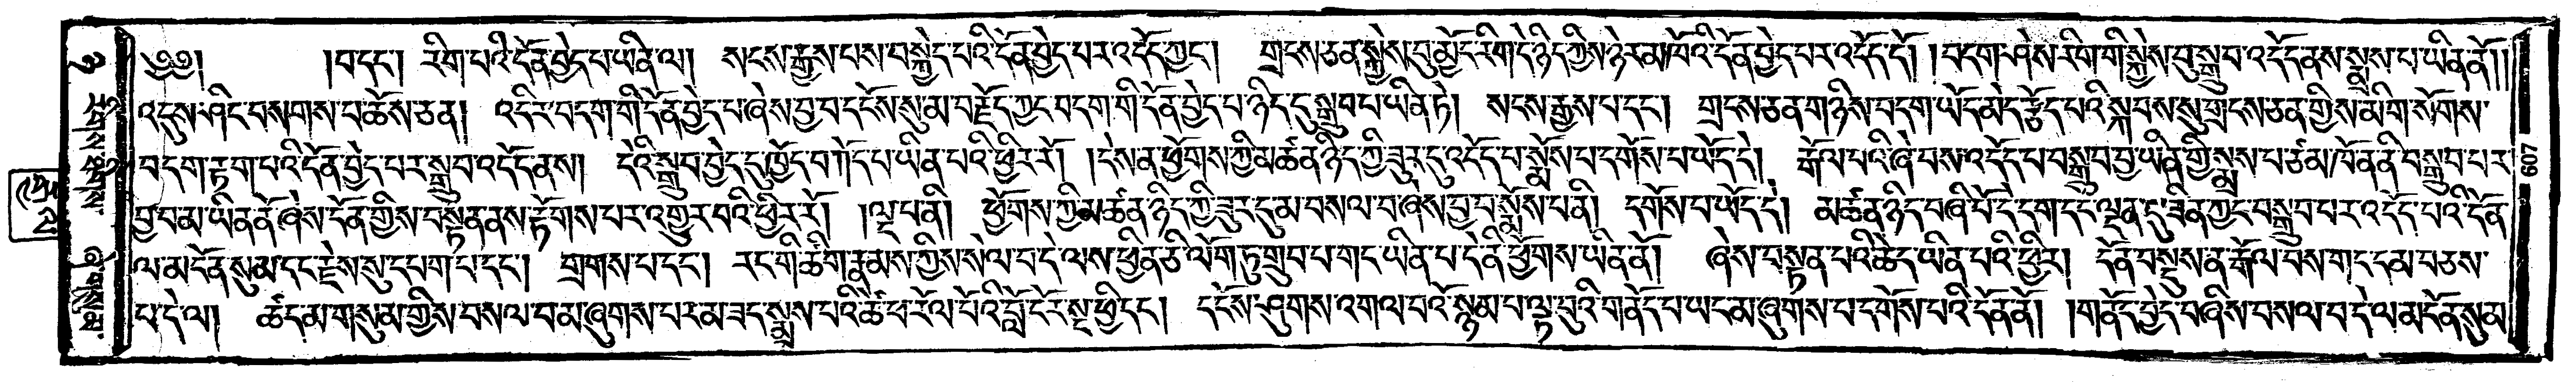༄༅། །བ་དང་། རིག་པའི་དོན་བྱེད་པ་ཡིན་ལ། སངས་རྒྱས་པས་བསྐྱེད་པའི་དོན་བྱེད་པར་འདོད་ཀྱང་། གྲངས་ཅན་སྐྱེས་བུ་མྱོང་རིག་དེ་ཉིད་ཀྱིས་ཉེར་མཁོའི་དོན་བྱེད་པར་འདོད་དོ། །བདག་ཤེས་རིག་གི་སྐྱེས་བུ་སྒྲུབ་འདོད་ནས་སྨྲས་པ་ཡིན་ནོ།།
འདུས་ཤིང་བསགས་པ་ཆོས་ཅན། འདིར་བདག་གི་དོན་བྱེད་པ་ཞེས་བྱ་བ་དངོས་སུ་མ་བརྗོད་ཀྱང་བདག་གི་དོན་བྱེད་པ་ཉིད་དུ་སྒྲུབ་པ་ཡིན་ཏེ། སངས་རྒྱས་པ་དང་། གྲངས་ཅན་གཉིས་བདག་ཡོད་མེད་རྩོད་པའི་སྐབས་སུ་གྲངས་ཅན་གྱིས་མིག་སོགས་
བདག་རྟག་པའི་དོན་བྱེད་པར་སྒྲུབ་འདོད་ནས། དེའི་སྒྲུབ་བྱེད་དུ་ཁྱོད་བཀོད་པ་ཡིན་པའི་ཕྱིར་རོ། །དེས་ན་ཕྱོགས་ཀྱི་མཚན་ཉིད་ཀྱི་ཟུར་དུ་འདོད་པ་སྨོས་པ་དགོས་པ་ཡོད་དེ། རྒོལ་བའི་ཞེ་བས་འདོད་པ་བསྒྲུབ་བྱ་ཡིན་གྱི་སྨྲས་པ་ཙམ་ཁོ་ན་ནི་བསྒྲུབ་པར་
བྱ་བ་མ་ཡིན་ནོ་ཞེས་དོན་གྱིས་བསྟན་ནས་རྟོགས་པར་འགྱུར་བའི་ཕྱིར་རོ། །ལྔ་པ་ནི། ཕྱོགས་ཀྱི་མཚན་ཉིད་ཀྱི་ཟུར་དུ་མ་བསལ་བ་ཞེས་བྱ་བ་སྨོས་པ་ནི། དགོས་པ་ཡོད་དེ། མཚན་ཉིད་བཞི་པོ་དེ་དག་དང་ལྡན་དུ་ཟིན་ཀྱང་བསྒྲུབ་པར་འདོད་པའི་དོན་
ལ་མངོན་སུམ་དང་རྗེས་སུ་དཔག་པ་དང་། གྲགས་པ་དང་། རང་གི་ཚིག་རྣམས་ཀྱིས་སེལ་བ་དེ་ལས་ཕྱིན་ཅི་ལོག་ཏུ་གྲུབ་པ་གང་ཡིན་པ་དེ་ནི་ཕྱོགས་ཡིན་ནོ། ཞེས་བསྟན་པའི་ཆེད་ཡིན་པའི་ཕྱིར། དོན་བསྡུས་ན་རྒོལ་བས་གང་དམ་བཅས་
པ་དེ་ལ། ཚད་མ་གསུམ་གྱིས་བསལ་བས་མ་ཞུགས་པར་མ་ཟད་སྨྲས་པའི་ཚེ་ཕ་རོལ་པོའི་བློ་ངོར་སྔ་ཕྱི་དང་། དངོས་ཤུགས་འགལ་བའོ་སྙམ་པ་ལྟ་བུའི་གནོད་པ་ཡང་མ་ཞུགས་པ་དགོས་པའི་དོན་ནོ། །གནོད་བྱེད་བཞིས་བསལ་བ་དེ་ལ་མངོན་སུམ་